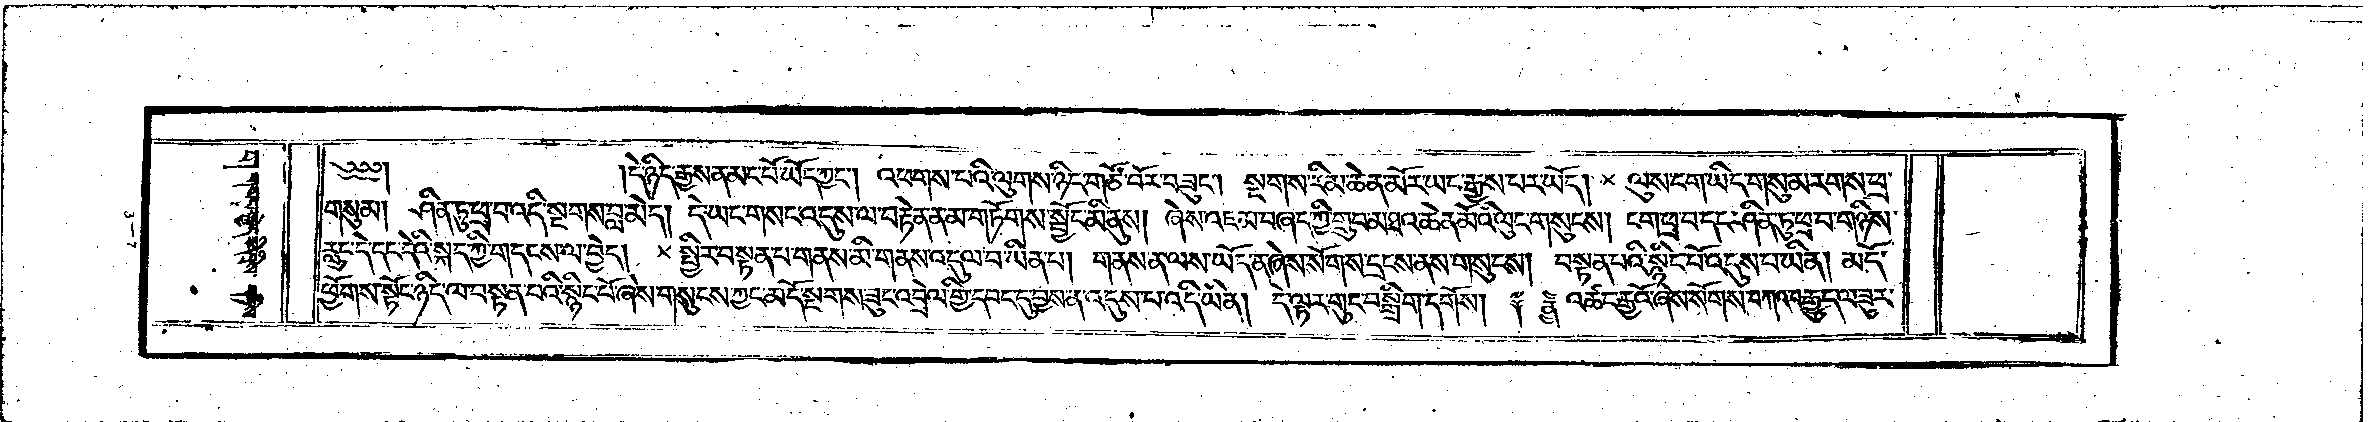༄༅༅། །དེ་ཉིད་རྒྱས་ན་མང་པོ་ཡོད་ཀྱང་། འཕགས་པའི་ལུགས་ཉིད་གཙོ་བོར་བཟུང་། སྔགས་རིམ་ཆེན་མོར་ཡང་རྒྱས་པར་ཡོད། ྾་ལུས་ངག་ཡིད་གསུམ་རགས་ཕྲ་
གསུམ། ཤིན་ཏུ་ཕྲ་བ་འདི་སྔགས་བླ་མེད། དེ་ཡང་གསང་འདུས་ལ་བརྟེན་ན་མ་གཏོགས་སྦྱོང་མི་ནུས། ཞེས་འཇམ་བཞད་ཀྱི་གྲུབ་མཐའ་ཆེན་མོའི་ལུང་གསུངས། ངག་ཕྲ་བ་དང་ཤིན་ཏུ་ཕྲ་བ་གཉིས་
རླུང་དེ་དང་དེའི་སྐད་ཀྱི་གདངས་ལ་བྱེད། ྾་སྤྱིར་བསྟན་པ་གནས་མི་གནས་འདུལ་བ་ཡིན་པ། གནས་ན་ལས་ཡོད་ན་ཞེས་སོགས་དྲངས་ནས་གསུངས། བསྟན་པའི་སྙིང་པོ་འདུས་པ་ཡིན། མདོ་
ཕྱོགས་སྟོང་ཉིད་ལ་བསྟན་པའི་སྙིང་པོ་ཞེས་གསུངས་ཀྱང་མདོ་སྔགས་ཟུང་འབྲེལ་གྱི་དབང་དུ་བྱས་ན་འདུས་པ་འདི་ཡིན། དེ་ལྟར་གུང་བསྒྲིག་དགོས། ༈ ༤ན༤་འཚང་རྒྱའོ་ཞེས་སོགས་བཀའ་བརྒྱུད་ལ་ཟུར་